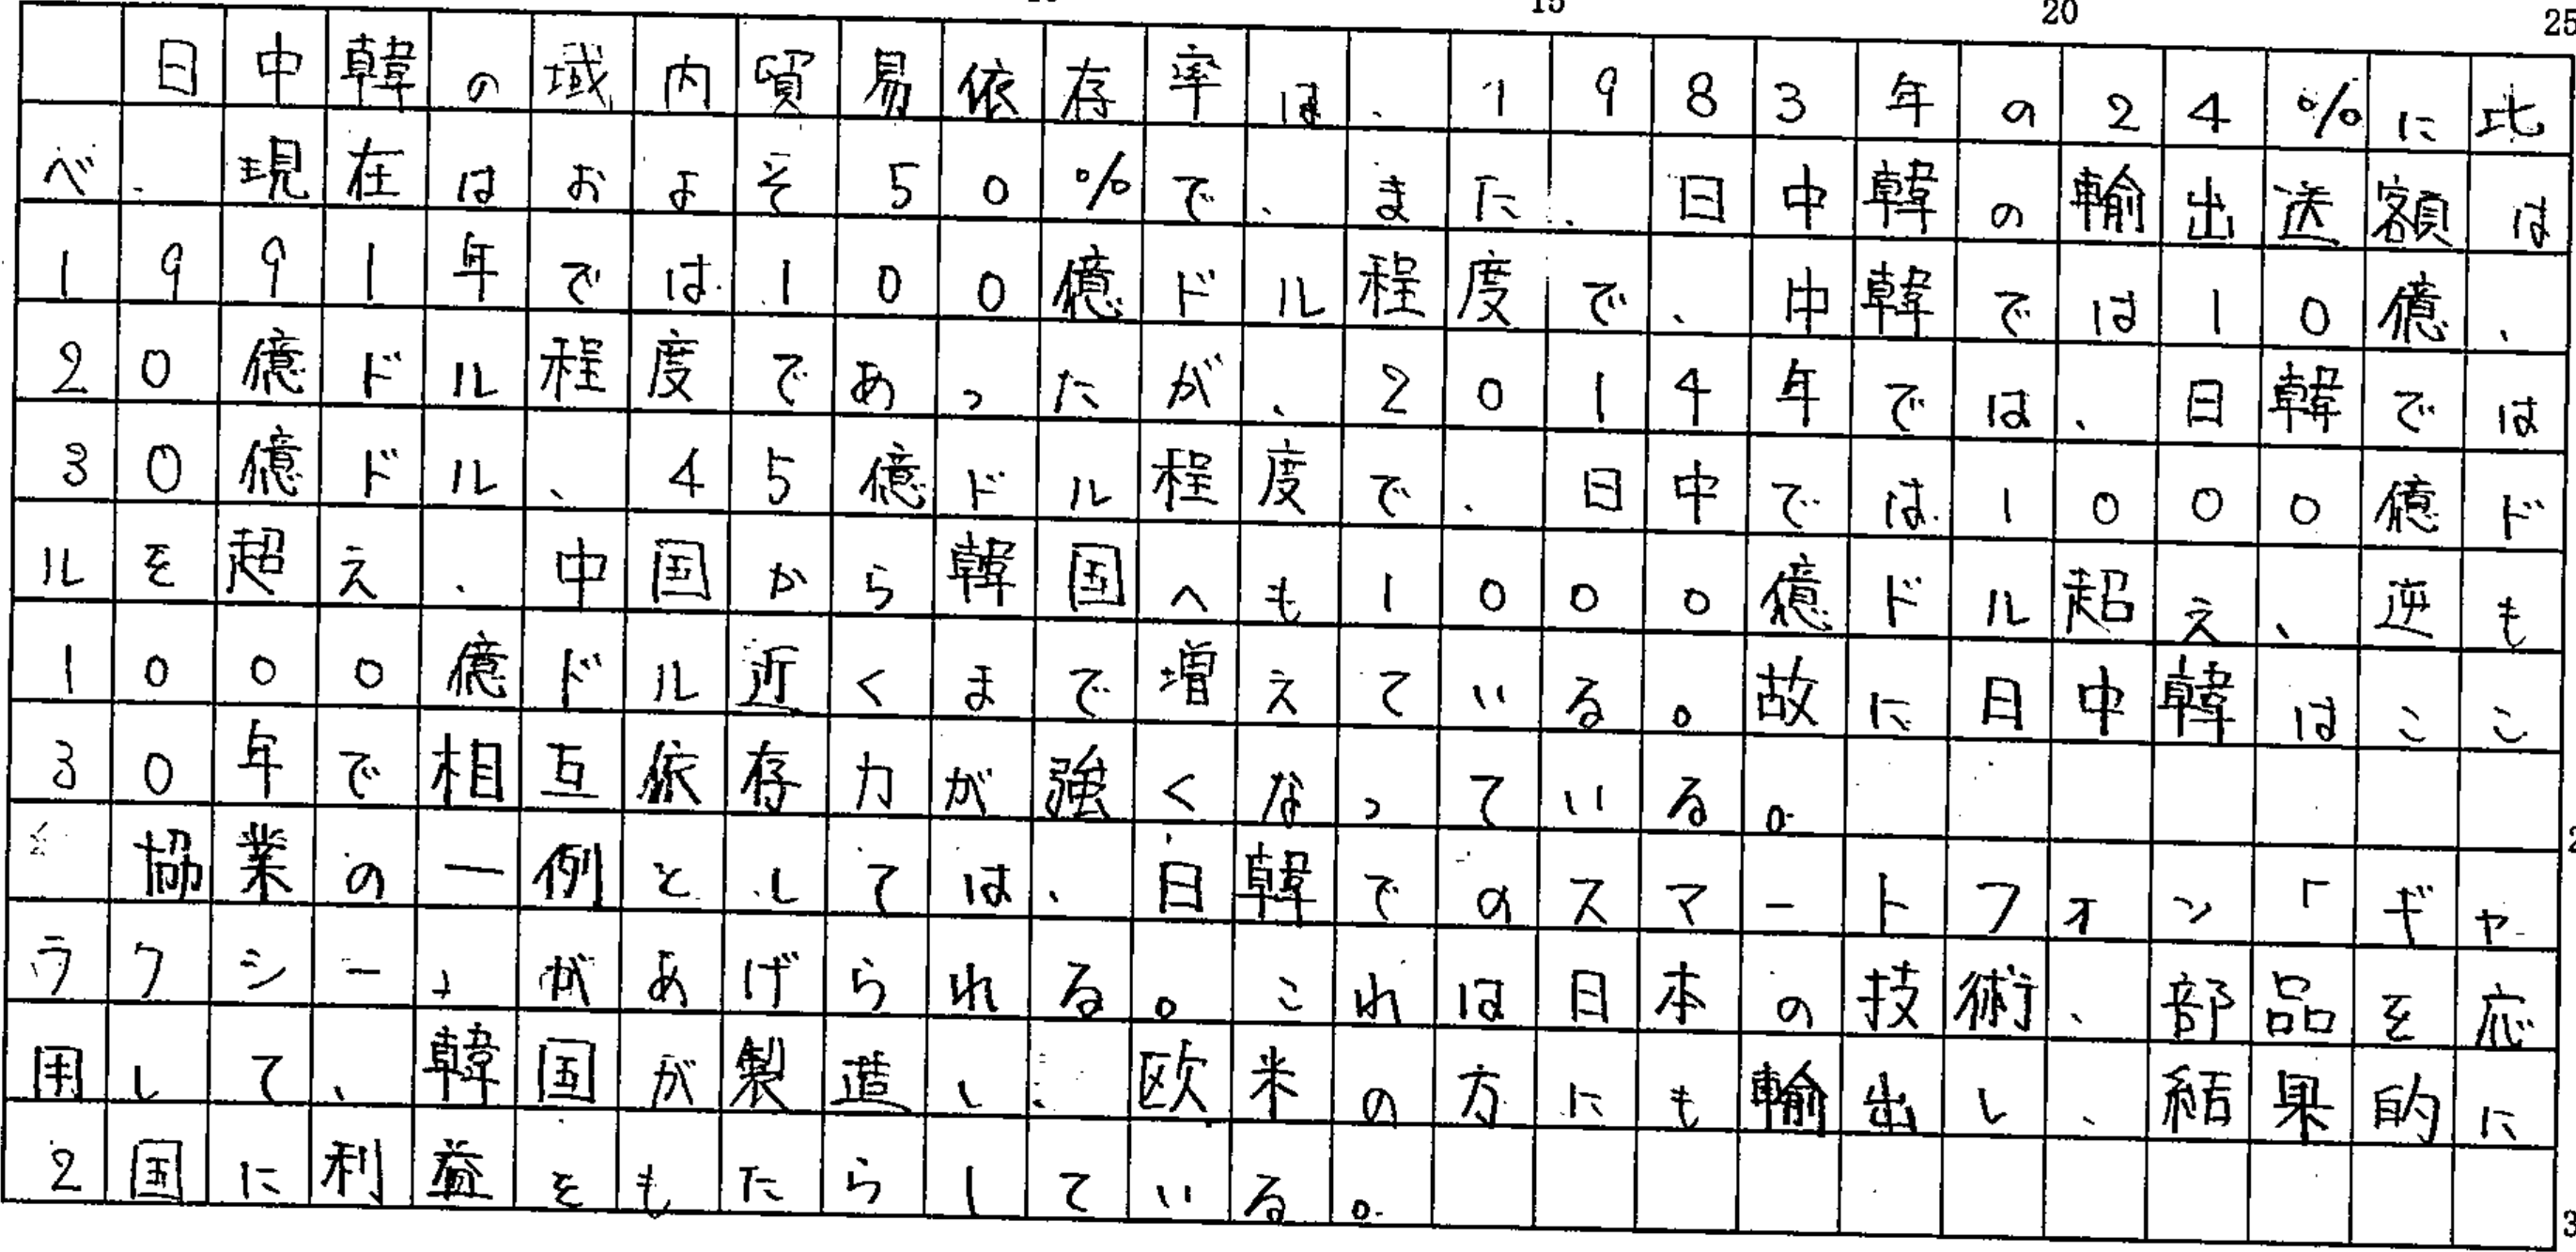　日中韓の域内貿易依存率は、１９８３年の２４％に比べ、現在はおよそ５０％で、また、日中韓の輸出送額は１９９１年では１００億ドル程度で、中韓では１０億、２０億ドル程度であったが、２０１４年では、日韓では３０億ドル、４５億ドル程度で、日中では１０００億ドルを超え、中国から韓国へも１０００億ドル超え、逆も１０００億ドル近くまで増えている。故に日中韓はここ３０年で相互依存力が強くなっている。
　協業の一例としては、日韓でのスマートフォン「ギャラクシー」があげられる。これは日本の技術、部品を応用して、韓国が製造し、欧米の方にも輸出し、結果的に２国に利益をもたらしている。
